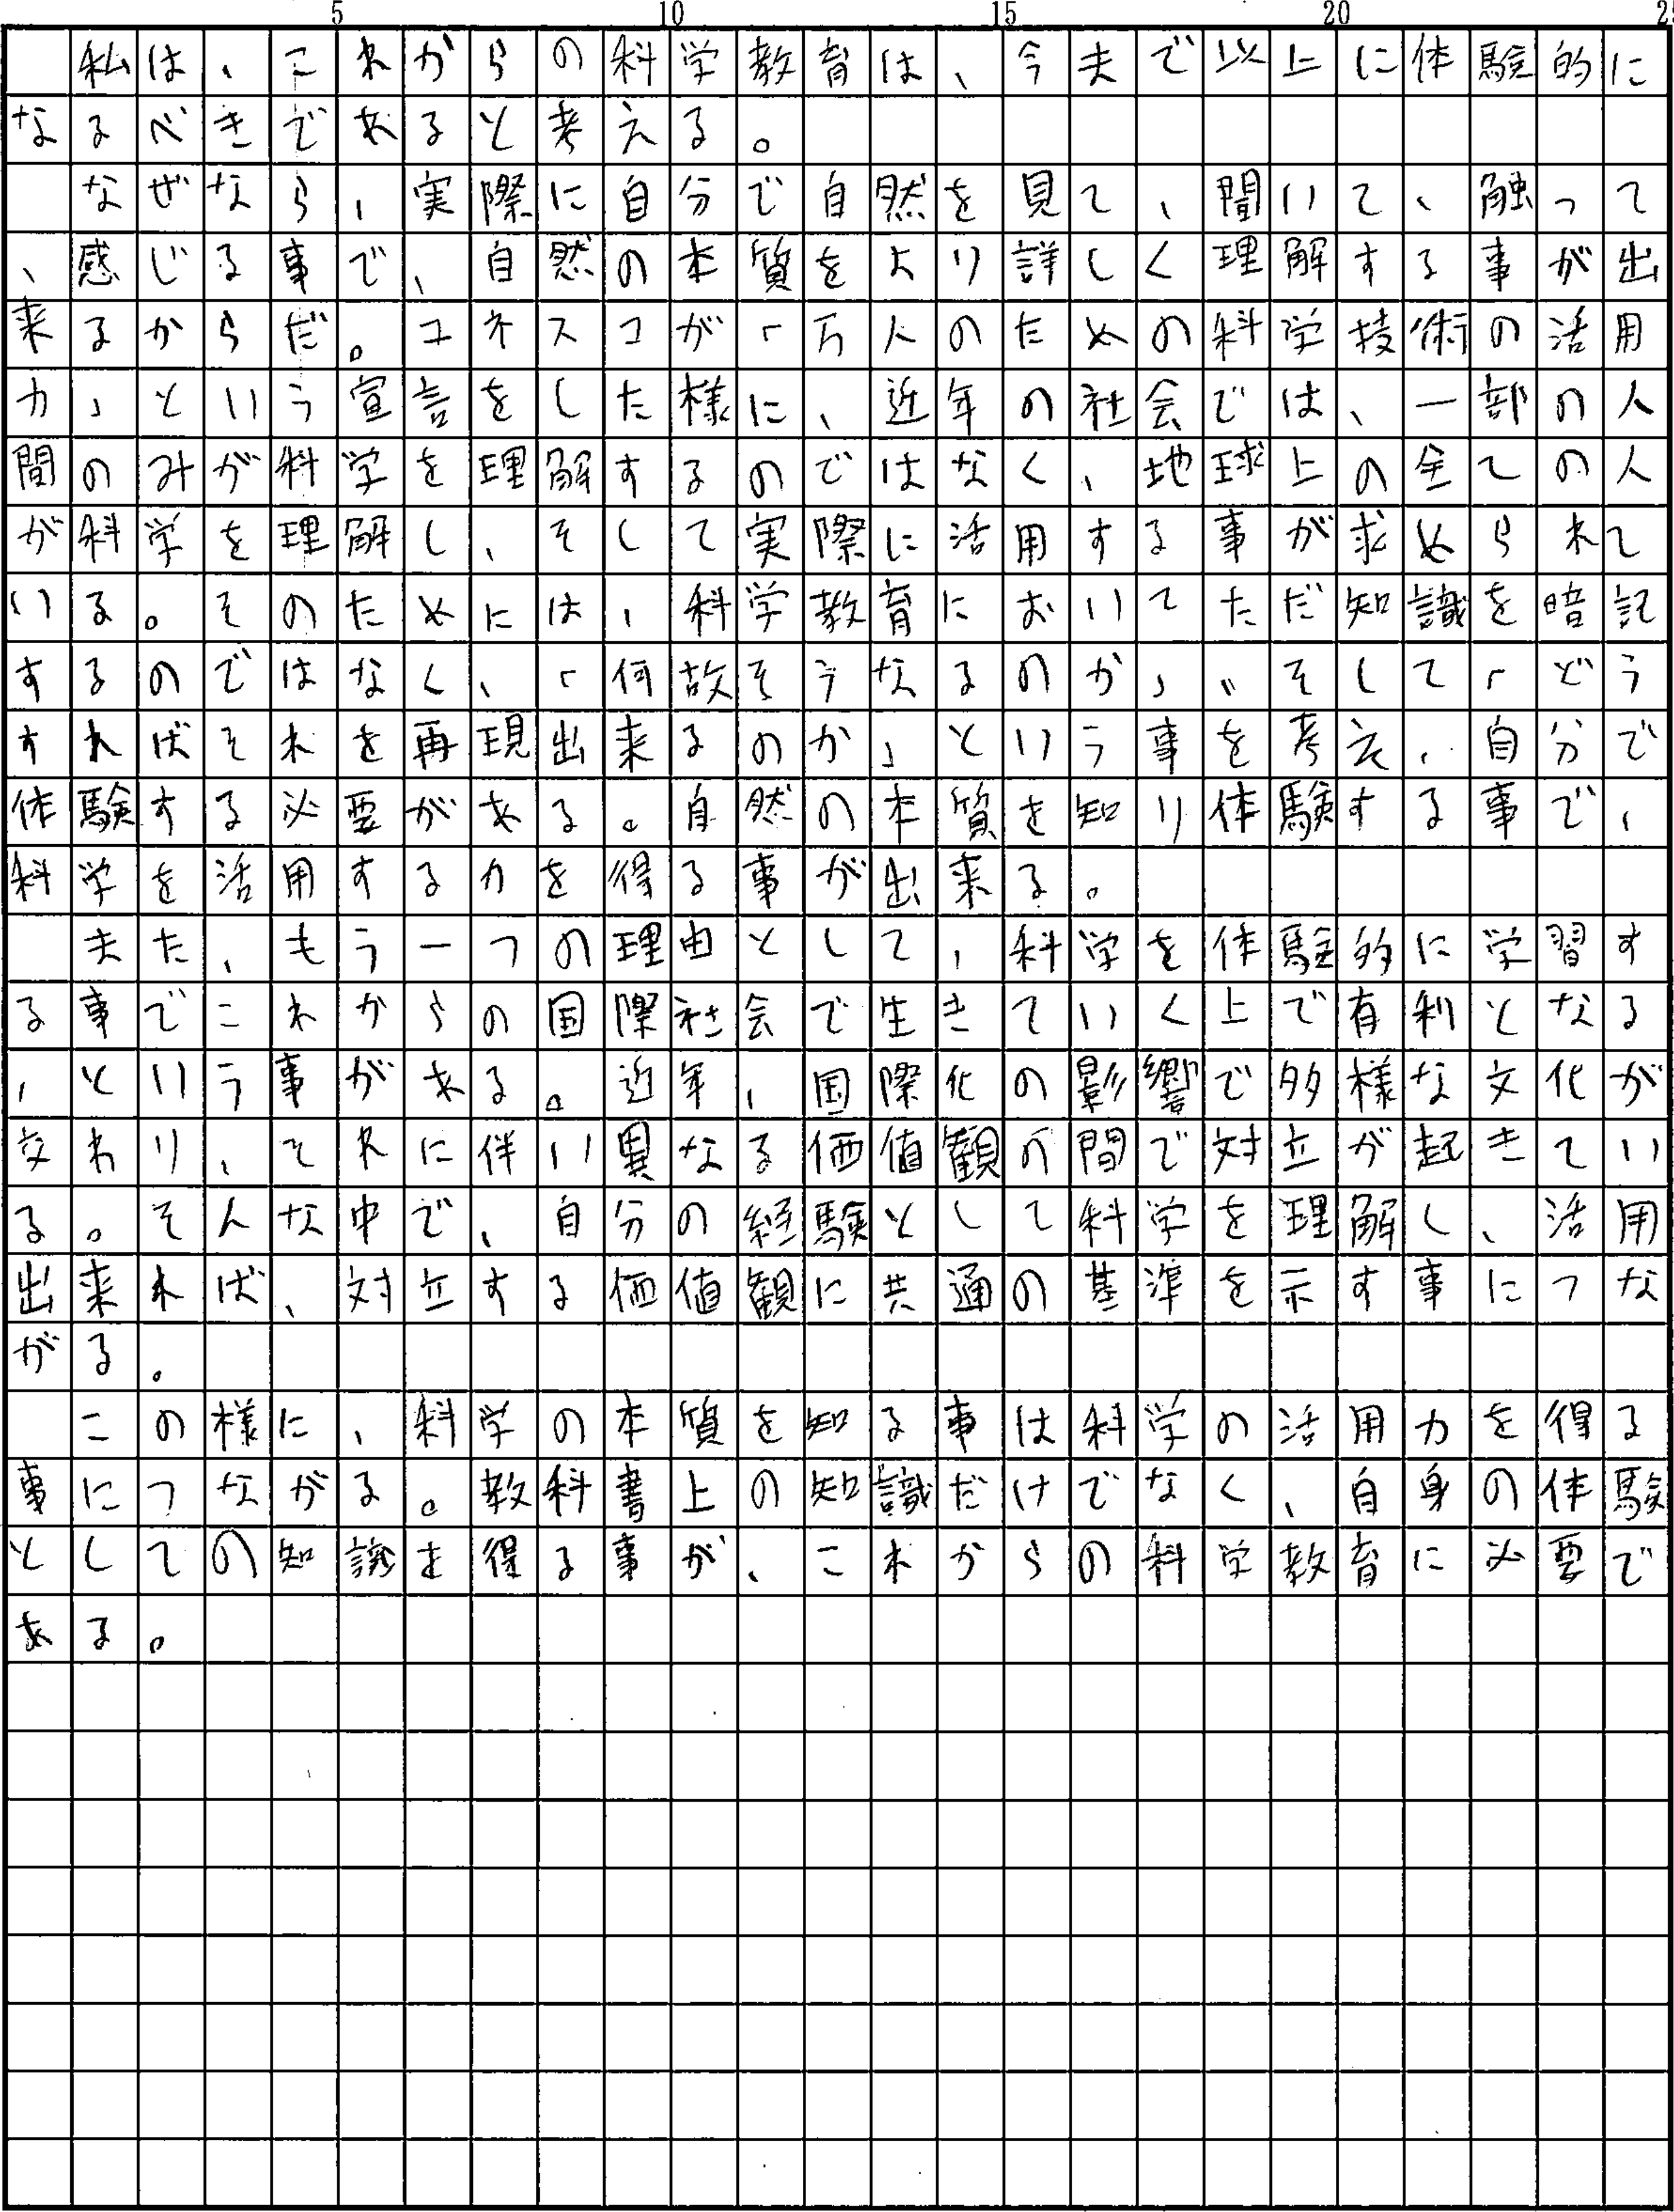　私は、これからの科学教育は、今まで以上に体験的になるべきであると考える。
　なぜなら、実際に自分で自然を見て、聞いて、触って、感じる事で、自然の本質をより詳しく理解する事が出来るからだ。ユネスコが「万人のための科学技術の活用力」という宣言をした様に、近年の社会では、一部の人間のみが科学を理解するのではなく、地球上の全ての人が科学を理解し、そして実際に活用する事が求められている。そのためには、科学教育においてただ知識を暗記するのではなく、「何故そうなるのか」、そして「どうすればそれを再現出来るのか」という事を考え、自分で体験する必要がある。自然の本質を知り体験する事で、科学を活用する力を得る事が出来る。
　また、もう一つの理由として、科学を体験的に学習する事でこれからの国際社会で生きていく上で有利となる、という事がある。近年、国際化の影響で多様な文化が交わり、それに伴い異なる価値観の間で対立が起きている。そんな中で、自分の経験として科学を理解し、活用出来れば、対立する価値観に共通の基準を示す事につながる。
　この様に、科学の本質を知る事は科学の活用力を得る事につながる。教科書上の知識だけでなく、自身の体験としての知識を得る事が、これからの科学教育に必要である。
